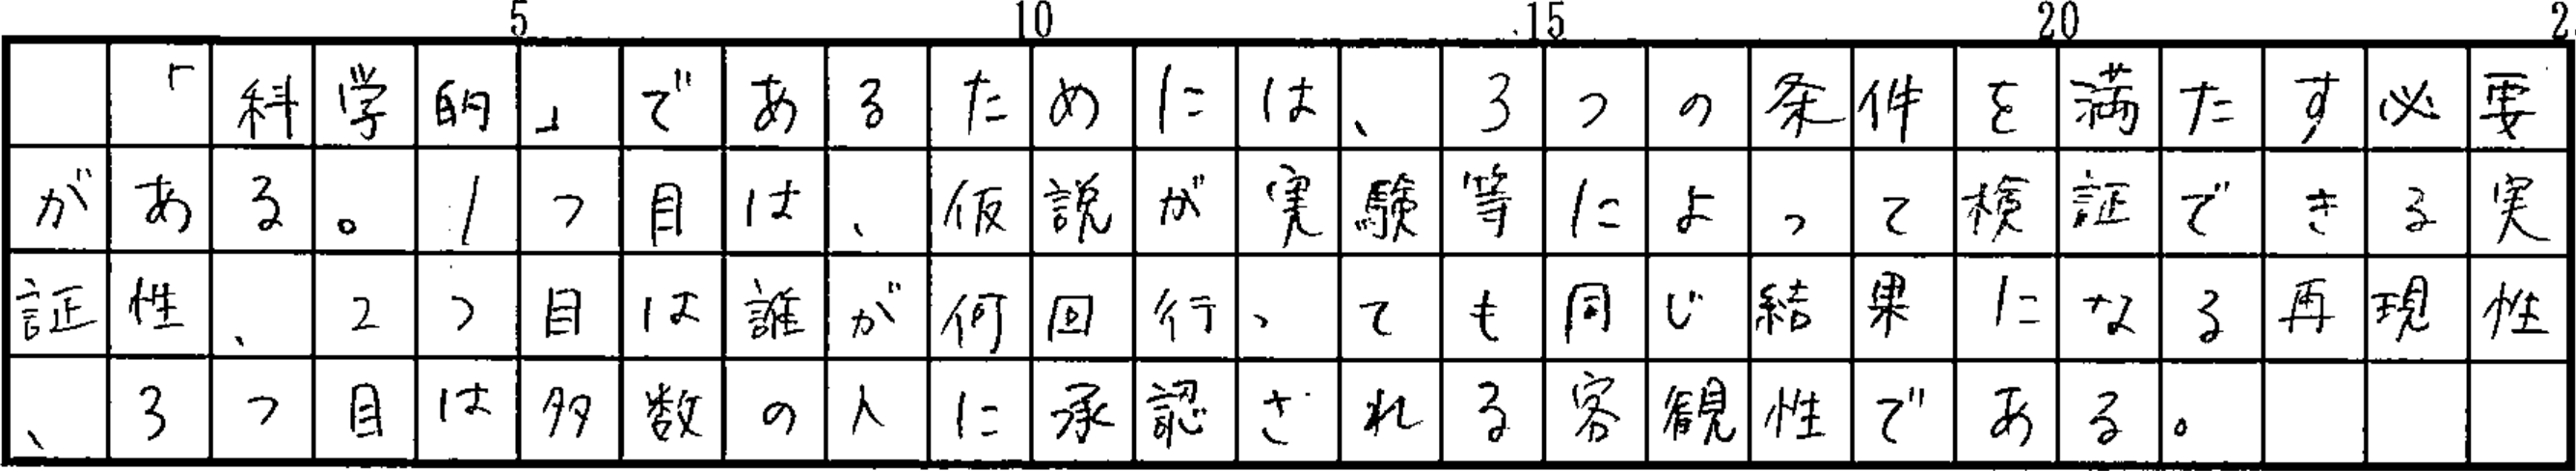　「科学的」であるためには、３つの条件を満たす必要がある。１つ目は、仮説が実験等によって検証できる実証性、２つ目は誰が何回行っても同じ結果になる再現性、３つ目は多数の人に承認される客観性である。
